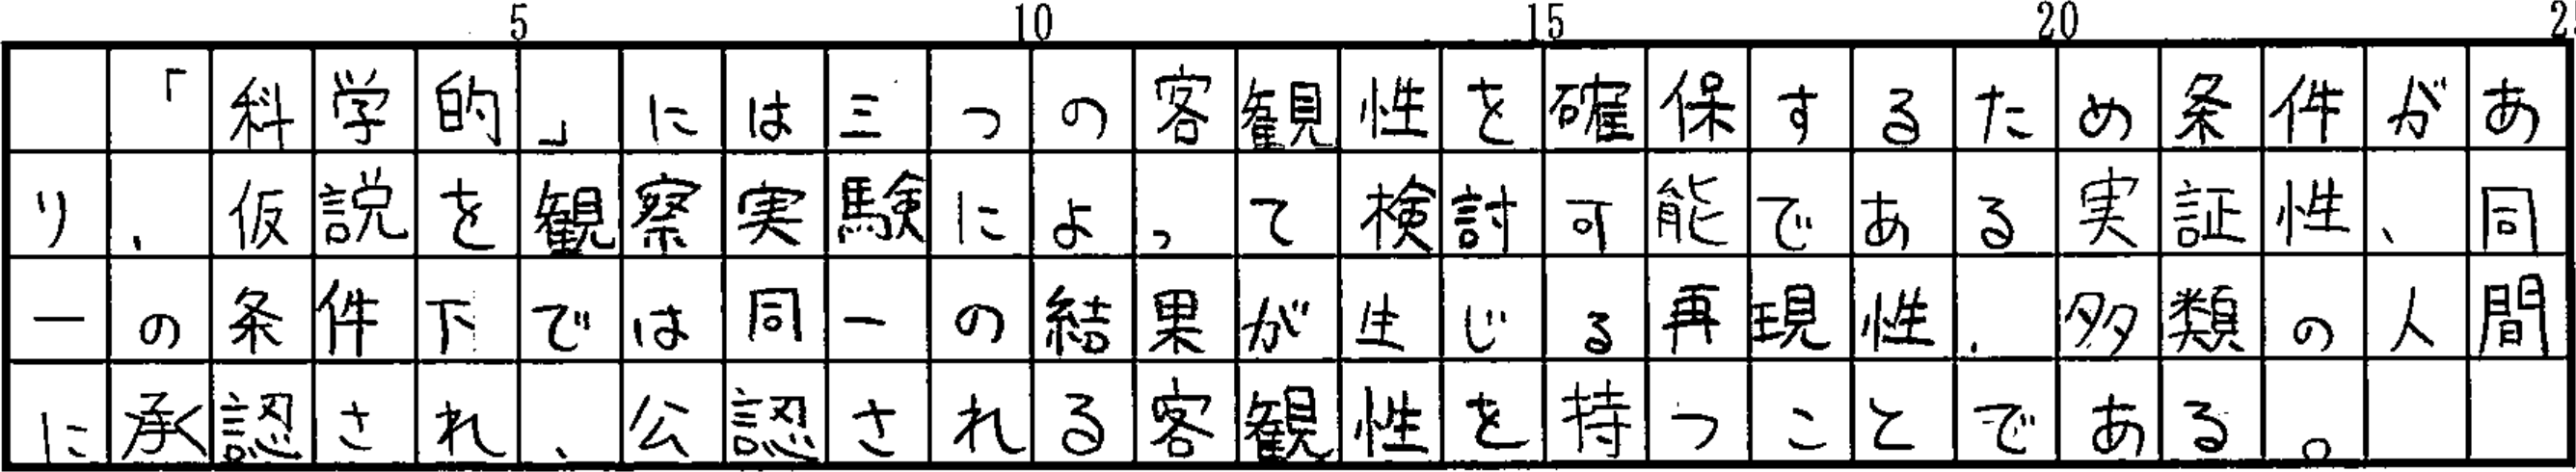　「科学的」には三つの客観性を確保するため条件があり、仮説を観察実験によって検討可能である実証性、同一の条件下では同一の結果が生じる再現性、多類の人間に承認され、公認される客観性を持つことである。
